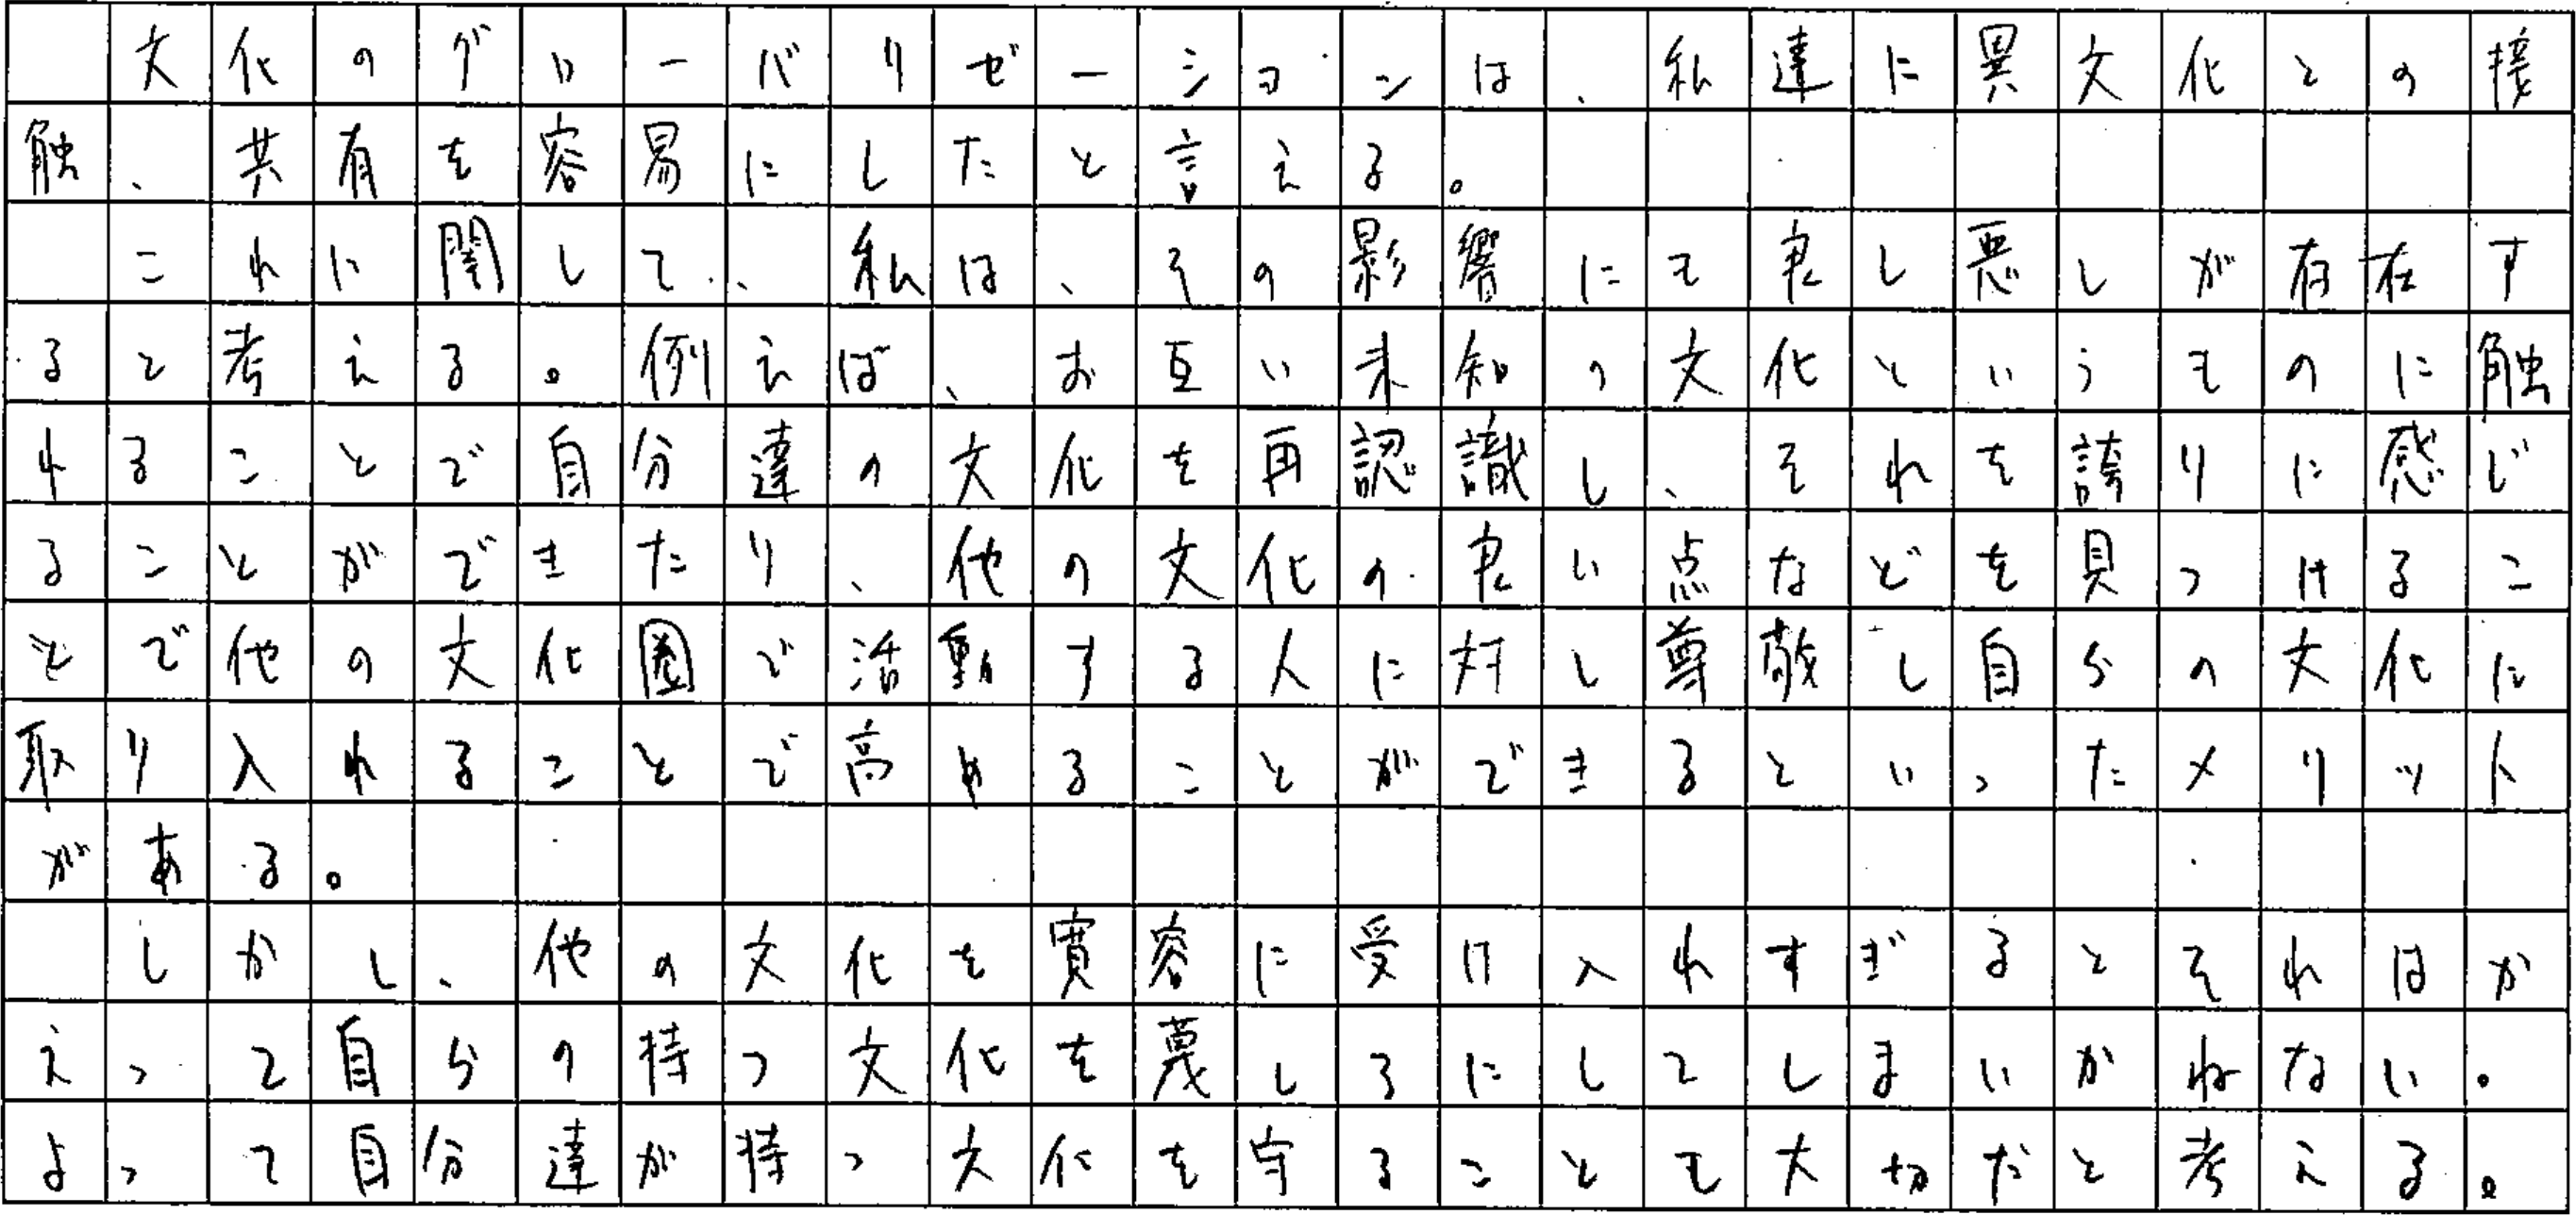　文化のグローバリゼーションは、私達に異文化との接触、共有を容易にしたと言える。
　これに関して、私は、その影響にも良し悪しが存在すると考える。例えば、お互い未知の文化というものに触れることで自分たちの文化を再認識し、それを誇りに感じることができたり、他の文化の良い点などを見つけることで他の文化圏で活動する人に対し尊敬し自らの文化に取り入れることで高めることができるといったメリットがある。
　しかし、他の文化を寛容に受け入れすぎるとそれはかえって自らの持つ文化を▁しろにしてしまいかねない。よって自分達が持つ文化を守ることも大切だと考える。
